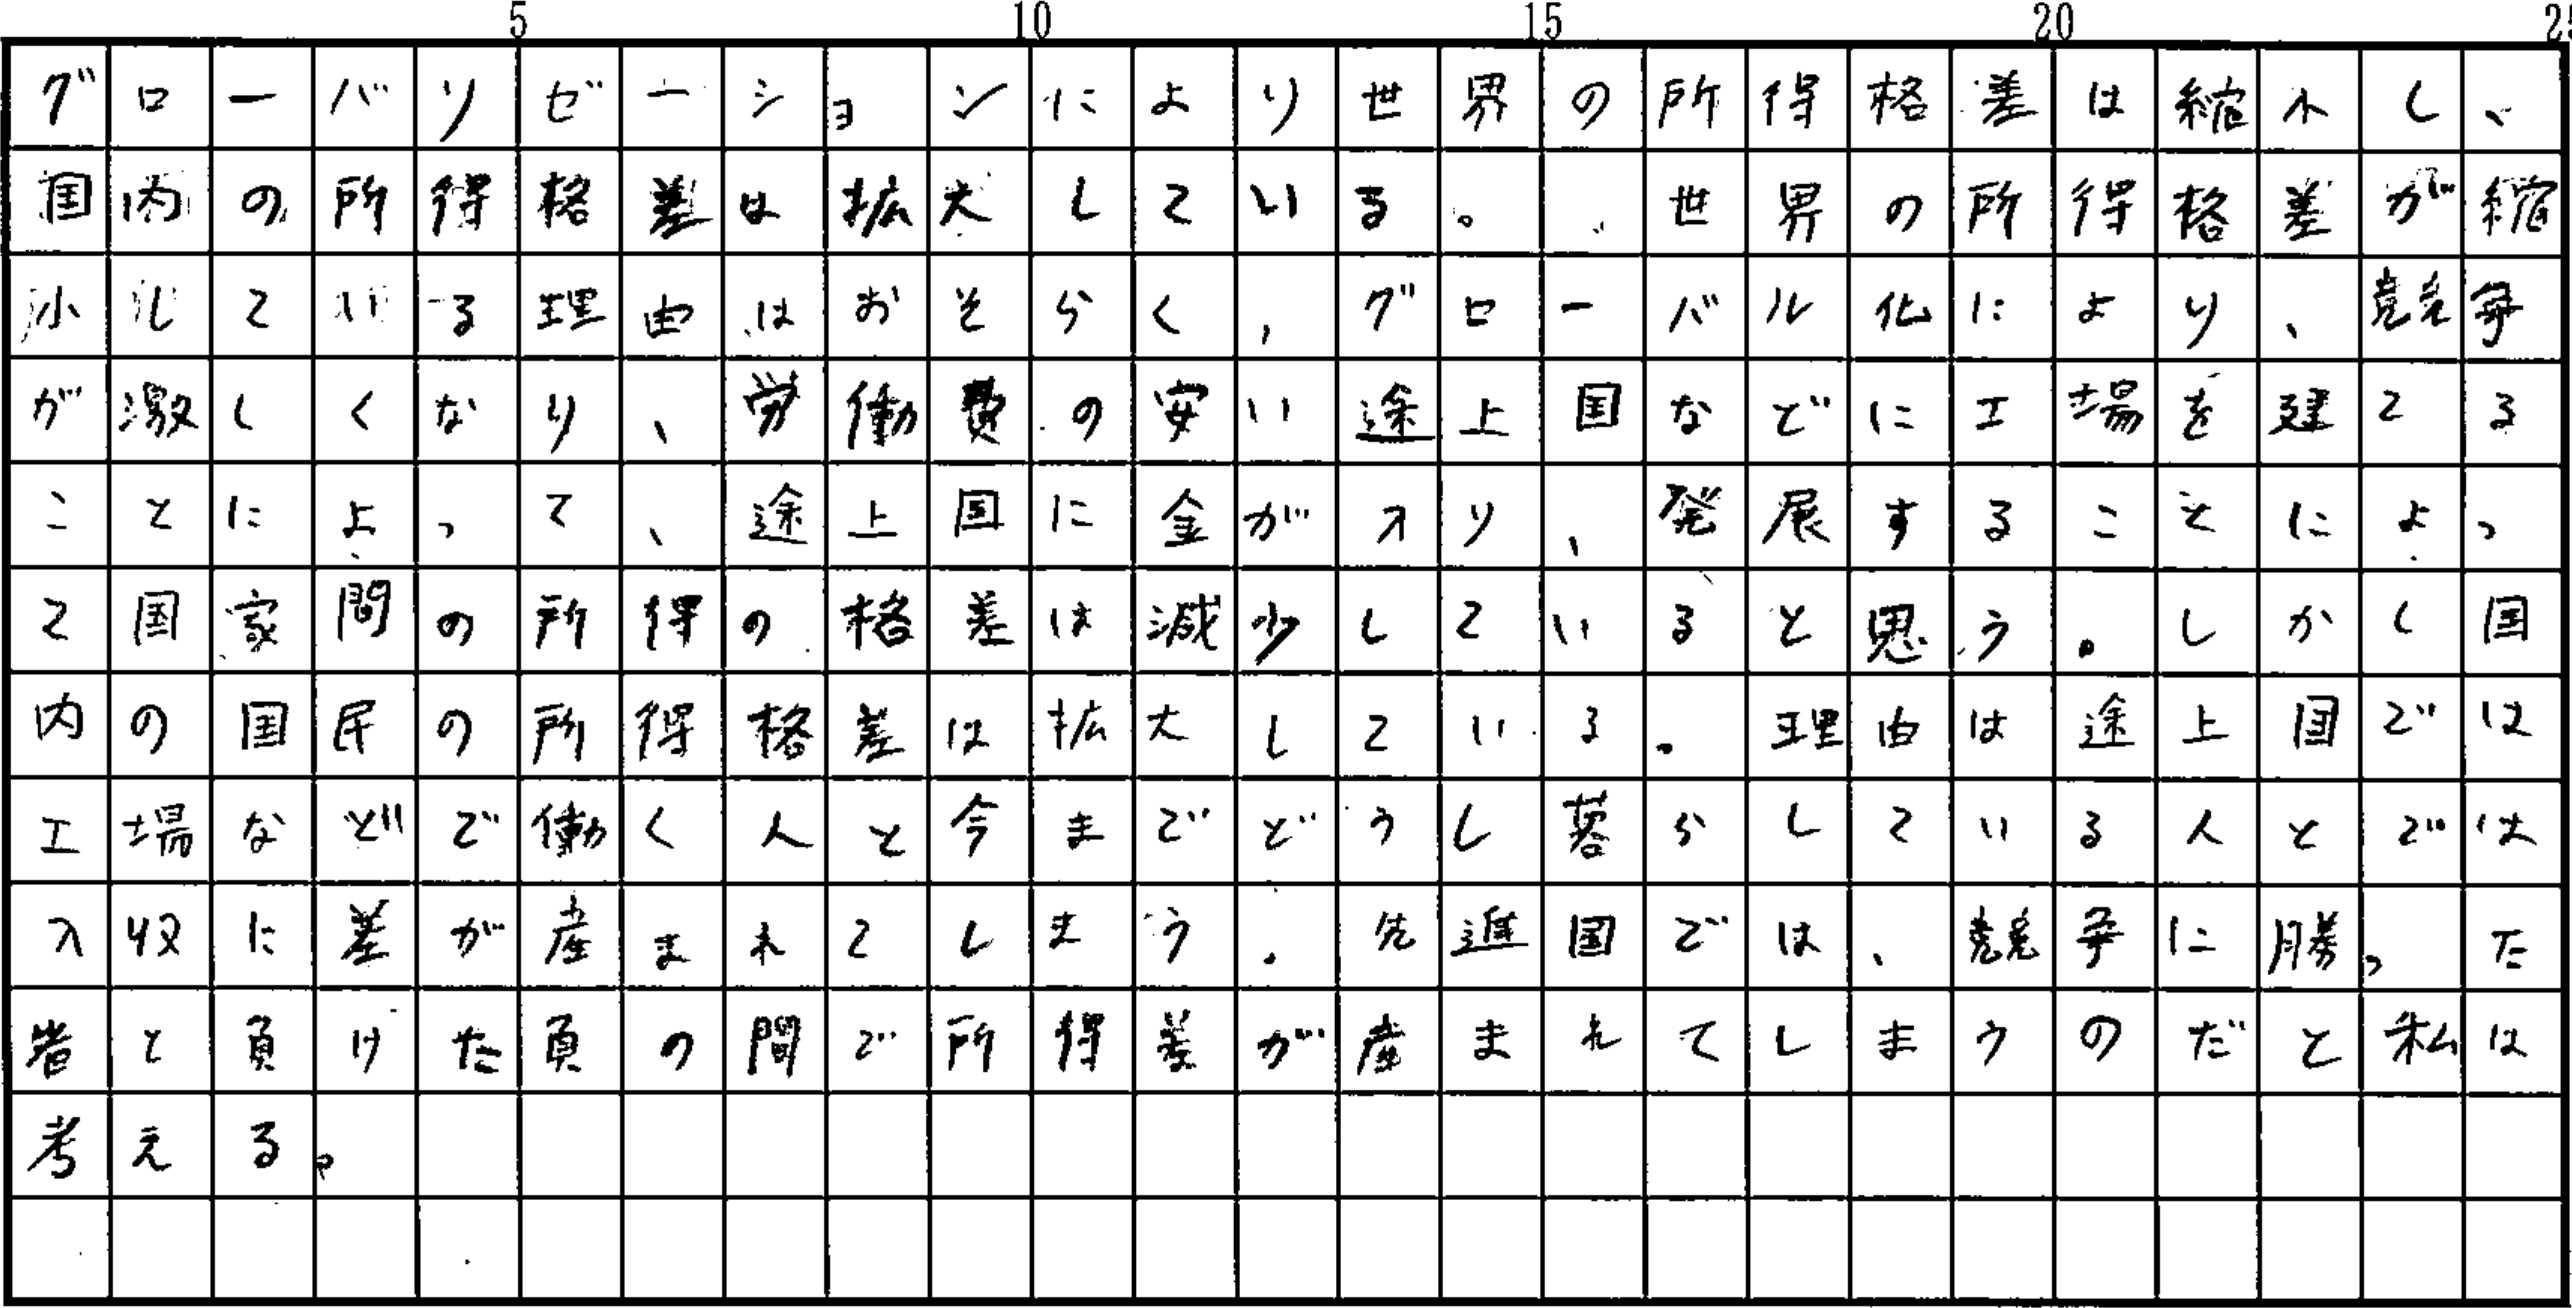グローバリゼーションにより世界の所得格差は縮小し、国内の所得格差は拡大している。世界の所得格差が縮小している理由はおそらく、グローバル化により、競争が激しくなり、労働費の安い途上国などに工場を建てることによって、途上国に金が入り、発展することによって国家間の所得の格差は減少していると思う。しかし国内の国民の所得格差は拡大している。理由は途上国では工場などで働く人と今までどうし暮らしている人とでは入収に差が産まれてしまう。先進国では、競争に勝った者と負けた負の間で所得差が産まれてしまうのだと私は考える。
